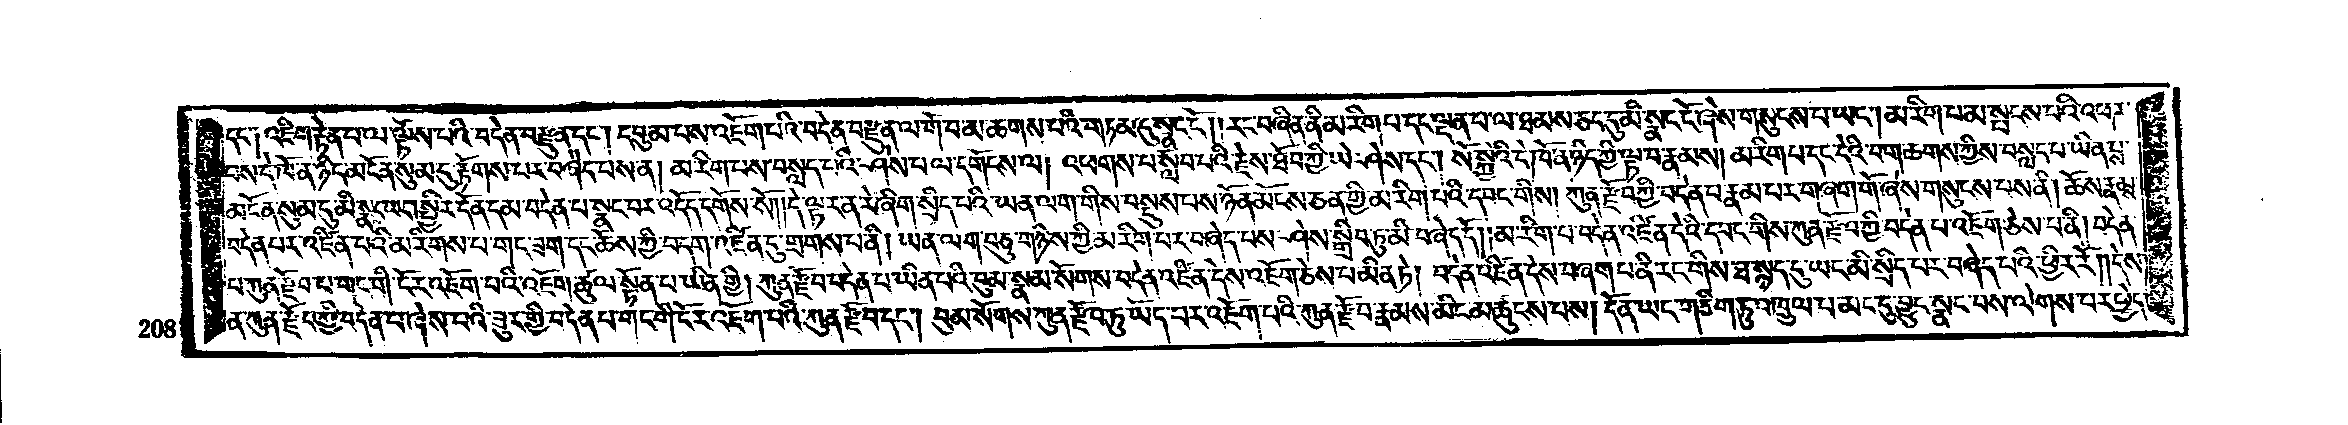དང་། འཇིག་རྟེན་པ་ལ་ལྟོས་པའི་བདེན་བརྫུན་དང་། དབུ་མ་པས་འཇོག་པའི་བདེན་བརྫུན་ལ་གོ་བ་མ་ཆགས་པའི་གཏམ་དུ་སྣང་ངོ། །རང་བཞིན་ནི་མ་རིག་པ་དང་ལྡན་པ་ལ་ཐམས་ཅད་དུ་མི་སྣང་ངོ་ཞེས་གསུངས་པ་ཡང་། མ་རིག་པ་མ་སྤངས་པའི་འཕགས་
པས་དེ་ཁོ་ན་ཉིད་མངོན་སུམ་དུ་རྟོགས་པར་བཞེད་པས་ན། མ་རིག་པས་བསླད་པའི་ཤེས་པ་ལ་དགོངས་ལ། འཕགས་པ་སློབ་པའི་རྗེས་ཐོབ་ཀྱི་ཡེ་ཤེས་དང་། སོ་སྐྱེའི་དེ་ཁོ་ན་ཉིད་ཀྱི་ལྟ་བ་རྣམས། མ་རིག་པ་དང་དེའི་བག་ཆགས་ཀྱིས་བསླད་པ་ཡིན་པས་
མངོན་སུམ་དུ་མི་སྣང་ཡང་། སྤྱིར་དོན་དམ་བདེན་པ་སྣང་བར་འདོད་དགོས་སོ། །དེ་ལྟར་ན་རེ་ཞིག་སྲིད་པའི་ཡན་ལག་གིས་བསྡུས་པས་ཉོན་མོངས་ཅན་གྱི་མ་རིག་པའི་དབང་གིས། ཀུན་རྫོབ་ཀྱི་བདེན་པ་རྣམ་པར་གཞག་གོ་ཞེས་གསུངས་པས་ནི། ཆོས་རྣམས་
བདེན་པར་འཛིན་པའི་མ་རིགས་པ་གང་ཟག་དང་ཆོས་ཀྱི་བདག་འཛིན་དུ་གྲགས་པ་ནི་ཡན་ལག་བཅུ་གཉིས་ཀྱི་མ་རིག་པར་བཞེད་པས་ཤེས་སྒྲིབ་ཏུ་མི་བཞེད་དོ། །མ་རིག་པ་བདེན་འཛིན་དེའི་དབང་གིས་ཀུན་རྫོབ་ཀྱི་བདེན་པ་འཇོག་ཅེས་པ་ནི། བདེན་
པ་ཀུན་རྫོབ་པ་གང་གི་ངོར་འཇོག་པའི་འཇོག་ཚུལ་སྟོན་པ་ཡིན་གྱི། ཀུན་རྫོབ་བདེན་པ་ཡིན་པའི་བུམ་སྣམ་སོགས་བདེན་འཛིན་དེས་འཇོག་ཅེས་པ་མིན་ཏེ། བདེན་འཛིན་དེས་བཞག་པ་ནི་རང་གིས་ཐ་སྙད་དུ་ཡང་མི་སྲིད་པར་བཞེད་པའི་ཕྱིར་རོ། །དེས་
ན་ཀུན་རྫོབ་ཀྱི་བདེན་པ་ཞེས་པའི་ཟུར་གྱི་བདེན་པ་གང་གི་ངོར་འཇོག་པའི་ཀུན་རྫོབ་དང་། བུམ་སོགས་ཀུན་རྫོབ་ཏུ་ཡོད་པར་འཇོག་པའི་ཀུན་རྫོབ་རྣམས་མིང་མཚུངས་པས། དོན་ཡང་གཅིག་ཏུ་འཁྲུལ་པ་མང་དུ་བྱུང་སྣང་བས་ལེགས་པར་ཕྱེད་